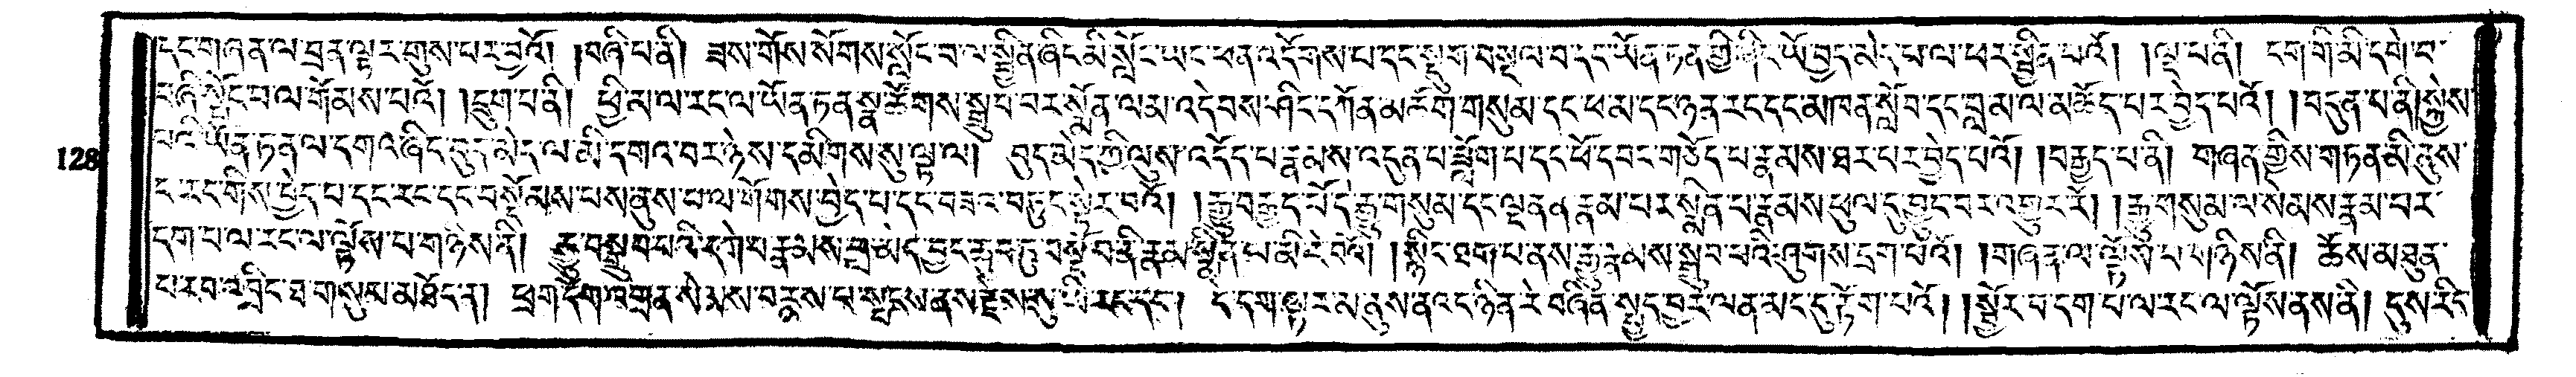དང་གཞན་ལ་བྲན་ལྟར་གུས་པར་བྱའོ། །བཞི་པ་ནི། ཟས་གོས་སོགས་སློང་བ་ལ་སྦྱིན་ཞིང་མི་སློང་ཡང་ཕན་འདོགས་པ་དང་སྡུག་བསྔལ་བ་དང་ཡོན་ཏན་གྱི་ཞིང་ཡོ་བྱད་མེད་པ་ལ་ཕར་སྦྱིན་པའོ། །ལྔ་པ་ནི། ངག་གི་མི་དགེ་བ་
བཞི་སྤོང་བ་ལ་གོམས་པའོ། །དྲུག་པ་ནི། ཕྱི་མ་ལ་རང་ལ་ཡོན་ཏན་སྣ་ཚོགས་སྒྲུབ་པར་སྨོན་ལམ་འདེབས་ཤིང་དཀོན་མཆོག་གསུམ་དང་ཕ་མ་དང་ཉན་རང་དང་མཁན་སློབ་དང་བླ་མ་ལ་མཆོད་པར་བྱེད་པའོ། །བདུན་པ་ནི། སྐྱེས་
པའི་ཡོན་ཏན་ལ་དགའ་ཞིང་བུད་མེད་ལ་མི་དགའ་བར་ཉེས་དམིགས་སུ་ལྟ་ལ། བུད་མེད་ཀྱི་ལུས་འདོད་པ་རྣམས་འདུན་པ་ཟློག་པ་དང་ཕོ་དབང་གཅོད་པ་རྣམས་ཐར་པར་བྱེད་པའོ། །བརྒྱད་པ་ནི། གཞན་གྱིས་གཏན་མི་ནུས་
ང་རང་གིས་བྱེད་པ་དང་རང་དང་བསྡོམས་པས་ནུས་པ་ལ་གོགས་བྱེད་པ་དང་བཟའ་བཏུང་སྟེར་བའོ། །རྒྱུ་བརྒྱད་པོ་དེ་རྒྱུ་གསུམ་དང་ལྡན་ན་རྣམ་པར་སྨིན་པ་རྣམས་ཕུལ་དུ་བྱུང་བར་འགྱུར་རོ། །རྒྱུ་གསུམ་ལ་སེམས་རྣམ་པར་
དག་པ་ལ་རང་ལ་ལྟོས་པ་གཉིས་ནི། རྒྱུ་བསྒྲུབ་པའི་དགེ་བ་རྣམས་བླ་མེད་བྱང་ཆུབ་ཏུ་བསྡོ་བ་ནི་རྣམ་སྨིན་པ་མི་རེ་བའོ། །སྙིང་ཐག་པ་ནས་རྒྱུ་རྣམས་སྒྲུབ་པའི་ཤུགས་དྲག་པའོ། །གཞན་ལ་ལྟོས་པ་གཉིས་ནི། ཆོས་མཐུན་
པ་རབ་འབྲིང་ཐ་གསུམ་མཐོང་ན། ཕྲག་དོག་འགྲན་སེམས་བརྙས་པ་སྤངས་ནས་རྗེས་སུ་ཡི་རང་དང་། དེ་དག་ལྟར་མ་ནུས་ནའང་ཉིན་རེ་བཞིན་སྦྱད་བྱར་ལན་མང་དུ་རྟོག་པའོ། །སྦྱོར་བ་དག་པ་ལ་རང་ལ་ལྟོས་ནས་ནི། དུས་རིང་